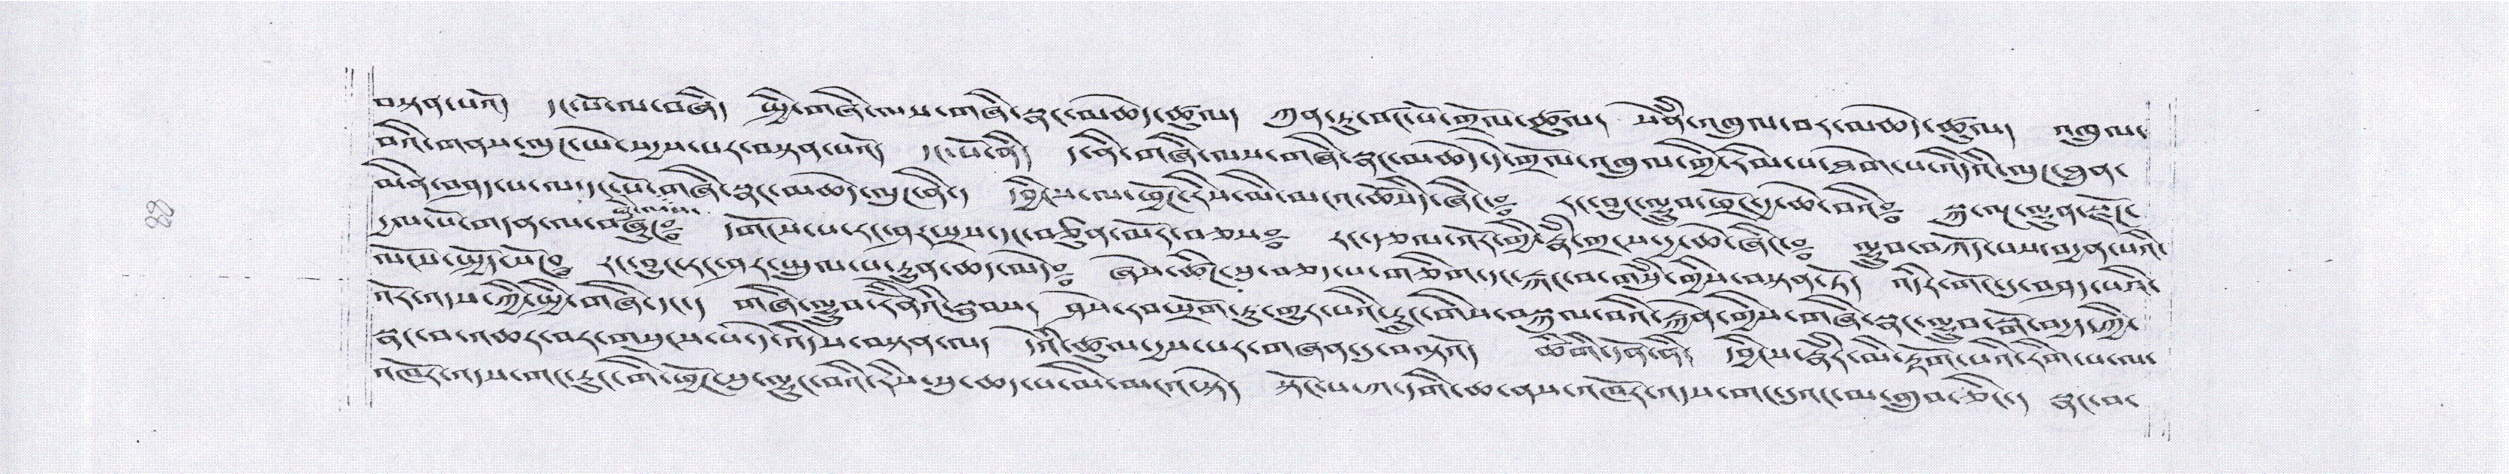བསྟན་པའོ། དང་པོ་ལ་བཞི། སྤྱི་གཞི་ལས་གཞི་སྣང་མཆེད་ཚུལ། ཀུན་ཏུ་བཟང་པོ་གྲོལ་ཚུལ། སེམས་ཅན་འཁྲུལ་པ་མཆེད་ཚུལ། འཁྲུལ་
པའི་གནས་ལུགས་ཡེ་སངས་རྒྱས་པར་བསྟན་པའོ། དང་པོ་ནི། ད་ནི་གཞི་ལས་གཞི་སྣང་མཆེད་དེ་གྲོལ་འཁྲུལ་གྱི་རིམ་པ་ཐེག་པ་འདིའི་ལུགས་ཐུན་
མིན་བཤད་པ་ལ་དང་པོ་གཞི་སྣང་མཆེད་ལུགས་ནི། དབྱིངས་ལ་ཕྱོགས་རེས་མི་མངའ་ཆོས་ཉིད་ཞིངཿ རང་བྱུང་ལྷུན་གྲུབ་ཕོ་བྲང་རྒྱ་ཆེ་བའིཿ སྐུ་ལྔ་ལྷུན་རྫོགས་
རྒྱལ་པོ་གདན་ལ་བཞུགསཿ དགོངས་པ་རང་ཤར་སྲས་དང་བཙུན་མོར་བཅསཿ རང་རྩལ་འོད་ཀྱི་རྣམ་གྲངས་རྒྱ་ཆེ་ཞིངཿ ལྷུན་གྲུབ་བཀོད་པས་བརྒྱན་པའི་
ལོངས་སྤྱོད་སོགསཿ རང་བྱུང་རང་ཤར་སྤྲུལ་པ་རྒྱུན་ཆད་མེདཿ ཞེས་ཚིགས་སུ་བཅད་པ་གཅིག་དང་རྐང་པ་གསུམ་གྱིས་བསྟན་ཏོ། འདིར་གོང་དུ་བཤད་པའི་
འཁོར་འདས་ཀྱི་སྤྱི་གཞི་དང་། གཞི་ལྷུན་གྲུབ་རིན་པོ་ཆེའི་སྦུབས། ཤེས་རབ་སྲོག་ཏུ་གྱུར་པའི་རླུང་གིས་བསྐུལ་བའི་རྐྱེན་གྱིས་གཞི་སྣང་ལྷུན་གྲུབ་སྒོ་བརྒྱད་ཀྱི་
སྣང་བ་འཆར་བར་གསུངས་པ་དེ་འདིས་བསྟན་ལ། དེའི་ཚུལ་རྒྱས་པར་གཞན་དུ་བལྟའོ། ཚིག་དོན་ནི། དབྱིངས་རྣམ་པར་མི་རྟོག་པའི་རིག་པ་ལ། 
འཁོར་འདས་གང་རུང་གི་ཕྱོགས་སུ་ལྷུང་བའི་རིས་སུ་ཆད་པ་མི་མངའ་སྟེ། སྟོང་པ་ཀ་དག་གི་ཆ་ནས་འཁོར་འདས་གང་དུའང་མ་གྲུབ་ཅིང་། སྣང་བ་